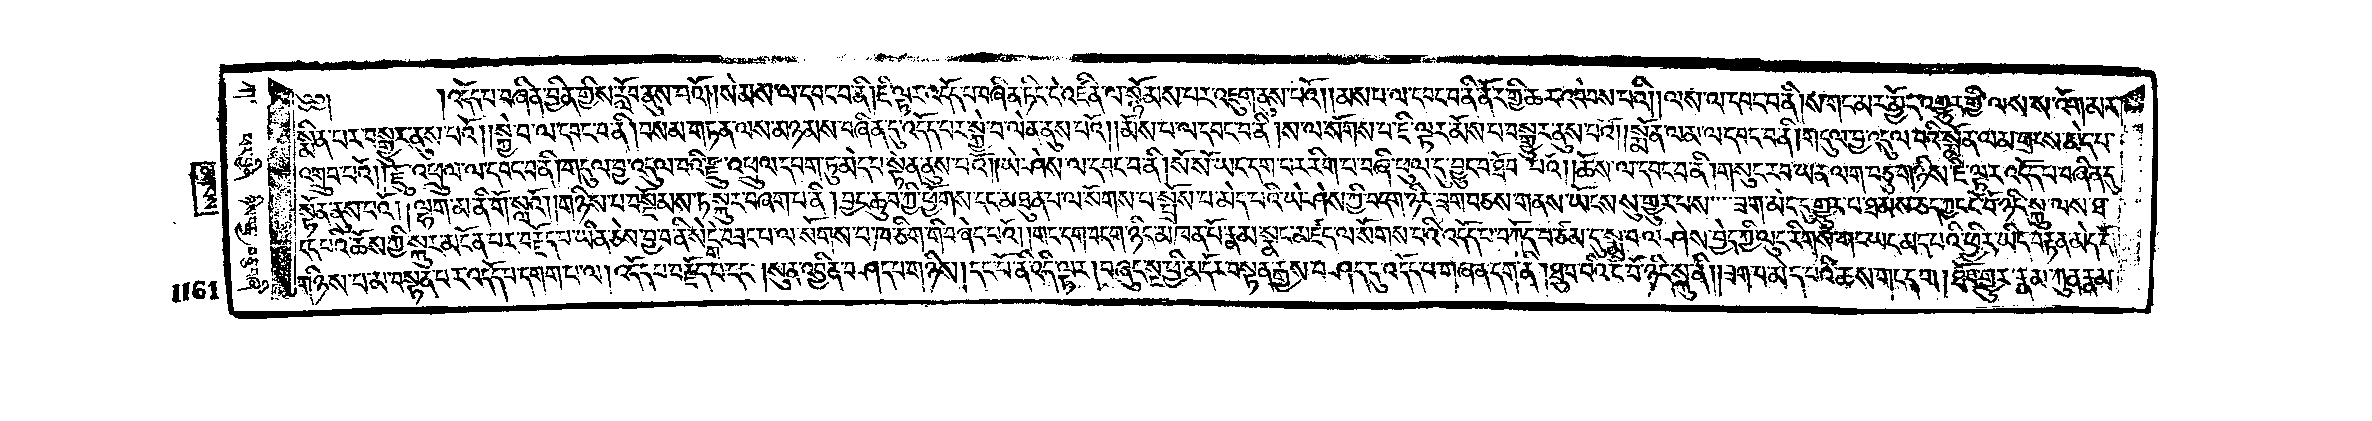༄༅། །འདོད་པ་བཞིན་བྱིན་གྱིས་རློབ་ནུས་པའོ། །སེམས་ལ་དབང་བ་ནི། ཇི་ལྟར་འདོད་པ་བཞིན་ཏིང་ངེ་འཛིན་ལ་སྙོམས་པར་འཇུག་ནུས་པའོ། །མས་པ་ལ་དབང་བ་ནི་ནོར་གྱི་ཆར་འབེབས་པའི། །ལས་ལ་དབང་བ་ནི། ས་གང་མར་མྱོང་འགྱུར་གྱི་ལས་ས་འོག་མར་
སྨིན་པར་བསྒྱུར་ནུས་པའོ། །སྐྱེ་བ་ལ་དབང་བ་ནི། བསམ་གཏན་ལས་མཉམས་བཞིན་དུ་འདོད་པར་སྐྱེ་བ་ལེན་ནུས་པའོ། །མོས་པ་ལ་དབང་བ་ནི། ས་ལ་སོགས་པ་ཇི་ལྟར་མོས་པ་བསྒྱུར་ནུས་པའོ། །སྨོན་ལམ་ལ་དབང་བ་ནི། གདུལ་བྱ་འདུལ་བའི་སྨོན་ལམ་གྲངས་མེད་པ་
འགྲུབ་པའོ། །རྫུ་འཕྲུལ་ལ་དབང་བ་ནི། གདུལ་བྱ་འདུལ་བའི་རྫུ་འཕྲུལ་དཔག་ཏུ་མེད་པ་སྟོན་ནུས་པའོ། །ཡེ་ཤེས་ལ་དབང་བ་ནི། སོ་སོ་ཡང་དག་པར་རིག་པ་བཞི་ཕུལ་དུ་བྱུང་བ་ཐོབ་པའོ། །ཆོས་ལ་དབང་བ་ནི། གསུང་རབ་ཡན་ལག་བཅུ་གཉིས་ཇི་ལྟར་འདོད་པ་བཞིན་དུ་
སྟོན་ནུས་པའོ། །ལྷག་མ་ནི་གོ་སླའོ། །གཉིས་པ་བསྡོམས་ཏེ་སྐུར་བཞག་པ་ནི། བྱང་ཆུབ་ཀྱི་ཕྱོགས་དང་མཐུན་པ་ལ་སོགས་པ་སྤྲོས་པ་མེད་པའི་ཡེ་ཤེས་ཀྱི་བདག་ཉིད་ཟག་བཅས་གནས་ཡོངས་སུ་གྱུར་པས་ཟག་མེད་དུ་གྱུར་པ་ཐམས་ཅད་ཀྱང་ངོ་བོ་ཉིད་སྐུ་ལས་ཐ་
དད་པའི་ཆོས་ཀྱི་སྐུར་མངོན་པར་བརྗོད་པ་ཡིན་ཅེས་བྱ་བ་ནི་སེང་གེ་བཟང་པ་ལ་སོགས་པ་ཁ་ཅིག་གི་བཞེད་པའོ། །གང་དག་བདག་ཉིད་མཁན་པོ་རྣམ་སྣང་མཛད་ལ་སོགས་པའི་འདོད་པ་བཀོད་པ་ཙམ་དུ་སྨྲ་བ་ལ་ཤེས་བྱེད་ཀྱི་ལུང་རིགས་གང་ཡང་མེད་པའི་ཕྱིར་ཡིད་བརྟན་མེད་དོ།
གཉིས་པ་མ་བསྟན་པར་འདོད་པ་དགག་པ་ལ། འདོད་པ་བརྗོད་པ་དང་། སུན་འབྱིན་བཤད་པ་གཉིས། དང་པོ་ནི་འདི་ལྟར། བཞུང་སྔ་ཕྱི་མདོར་བསྟན་རྒྱས་བཤད་དུ་འདོད་པ་གཞན་དག་ནི། ཐུབ་པའི་ངོ་བོ་ཉིད་སྐུ་ནི། །ཟག་པ་མེད་པའི་ཆོས་གང་དག། ཐོབ་གྱུར་རྣམ་ཀུན་རྣམ་